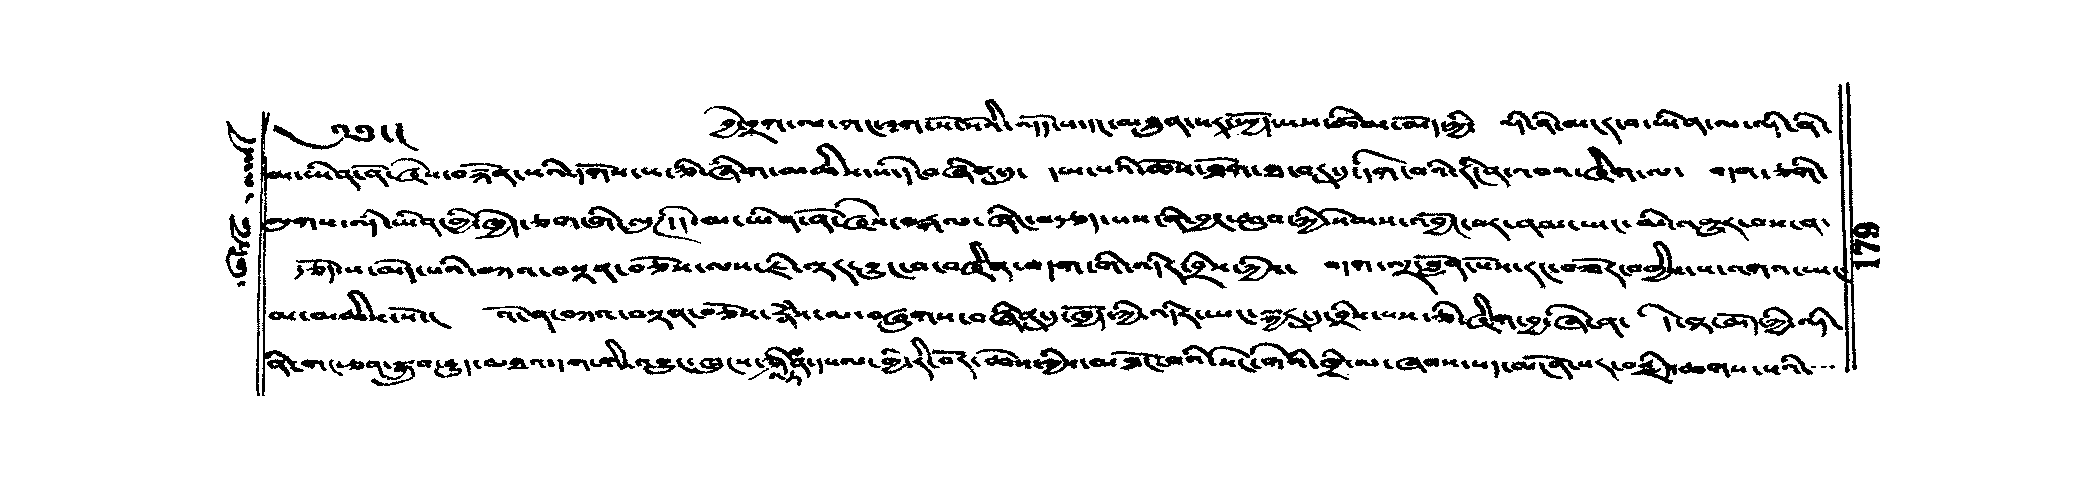བྱེ་བྲག་ལ་གང་ཟག་སོ་སོའི་འདོད་པ་དང་མཐུན་པར་སྤྱོད་པས་ཚེམ་མོད་ཀྱི། འདི་ནི་མངར་བ་ཡིན་ལ་འདི་ནི་
མ་ཡིན་ནོ་ཞེས་བསྙེན་པའི་དགོས་པ་ཅི་ཞིག་མཆིས་པ་དེ་བཞིན་དུ། དམ་པའི་ཆོས་ཐོག་ཐ་བར་དུ་དགེ་བའི་རང་བཞིན་འབའ་ཞིག་ལ། བདག་ཅག་གི་
ལུགས་འདི་ཡིན་གྱི་ཁྱེད་ཅག་གི་ལུགས་དེ་མ་ཡིན་ནོ་ཞེས་བརྒལ་ཞིང་བརྩད་པས་ནི་བྱང་ཆུབ་ཀྱི་སེམས་འབཡོང་བར་ནམ་ཡང་མི་འགྱུར་བས་ན་
རྩོད་པ་མེད་པའི་བཀའ་བསྟན་བཅོས་ལས་ཇི་ལྟར་བྱུང་བ་བཞིན་བདག་གི་འདིར་བྲིས་ཀྱིས། བདག་འདྲ་བློན་པོས་རང་བཟོར་བགྱིས་པ་འགའ་ཡང་
མ་མཆིས་སོ། འོན་ན་བཀའ་བསྟན་བཅོས་རྣམས་ལ་བཞུགས་བཞིན་དུ་ཁྱིད་ཀྱི་འདིར་ཡང་སྐྱར་དུ་བྲིས་པས་ཅི་ཞིག་བྱ་ཞེ་ན། དེ་ལྟ་མོད་ཀྱི་འདི་
ནི་གང་ཅན་སྒྲུབ་རྒྱུད་མཐའ་དག་གི་འབྱུང་ཁུངས་ཤཱནྟི་དཔལ་གྱི་རི་བོར་ཆོས་ཀྱིས་མཐོང་བའི་སེང་གེའི་ཁྲི་ལ་ཞབས་པད་མངོན་པར་བརྗེད་ཆགས་པའི་